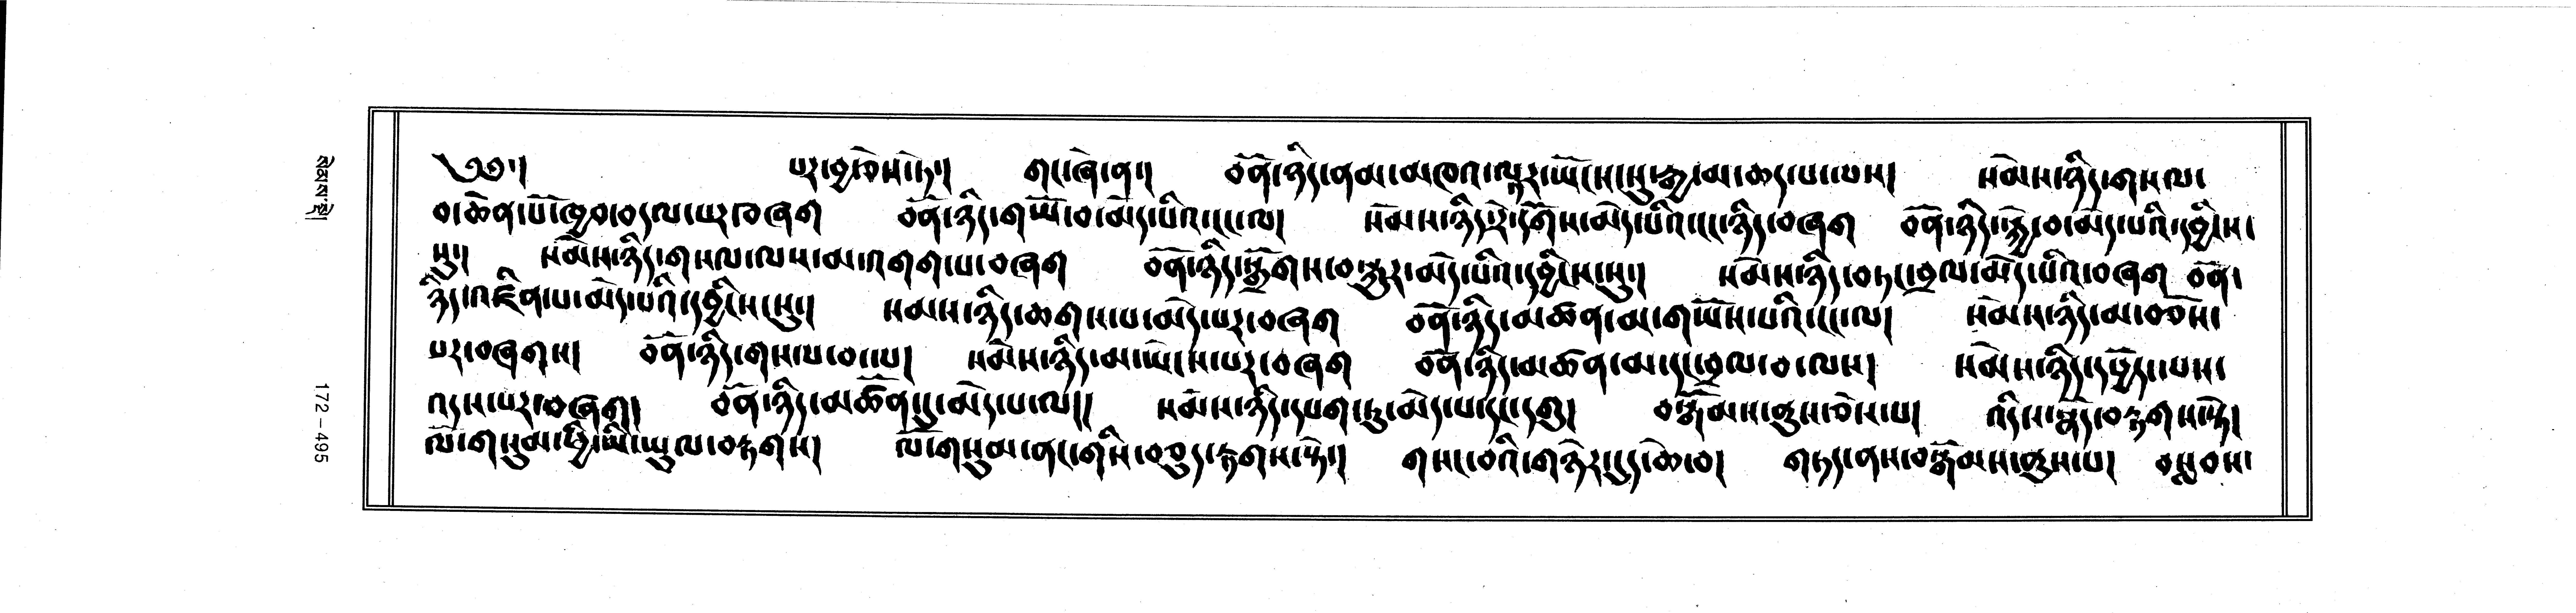པར་བྱ་ཅེས་ཏེ། གང་ཞེ་ན། བོན་ཉིད་ནམ་མཁའ་ལྟར་ཡོངས་སུ་རྒྱ་མ་ཆད་པ་ལས། སེམས་ཉིད་གསལ་
བ་ཆེན་པོ་ཁྱབ་བདལ་པར་བཞག བོན་ཉིད་གཡོ་བ་མེད་པའི་ངང་ལ། སེམས་ཉིད་རེ་དོགས་མེད་པའི་ངང་ཉིད་བཞག བོན་ཉིད་སྐྱེ་བ་མེད་པའི་དབྱིངས་
སུ། སེམས་ཉིད་གསལ་ལས་མ་འགག་པ་བཞག བོན་ཉིད་སྒྲོགས་བསྐུར་མེད་པའི་དབྱིངས་སུ། སེམས་ཉིད་བཏང་བྲལ་མེད་པའི་བཞག བོན་
ཉིད་འཛིན་པ་མེད་པའི་དབྱིངས་སུ། སེམས་ཉིད་ཆགས་པ་མེད་པར་བཞག བོན་ཉིད་མཚན་མ་གཡོས་པའི་ངང་ལ། སེམས་ཉིད་མ་བཅོས་
པར་བཞགས། བོན་ཉིད་གསལ་བ་ལ། སེམས་ཉིད་མ་གཡེངས་པར་བཞག བོན་ཉིད་མཚན་མ་དང་བྲལ་བ་ལས། སེམས་ཉིད་དཔྱོད་ལས་
འདས་པར་བཞག བོན་ཉིད་མཚོན་དུ་མེད་པ་ལ། སེམས་ཉིད་དཔག་ཏུ་མེད་པ་དང་དགུ བསྒོམས་ནུས་ཅེས་པ། འདིས་སྣོད་བརྟགས་སྟེ། 
ལོ་གསུམ་ཕྱི་ཡི་ཡུལ་བརྟགས། ལོ་གསུམ་ནང་གིས་བཅུད་བརྟགས་སྟེ། གསང་བའི་གཉེར་དུད་ཆེ་བ། གཏད་ནས་བསྒོམས་ནུས་པ། བསླབས་